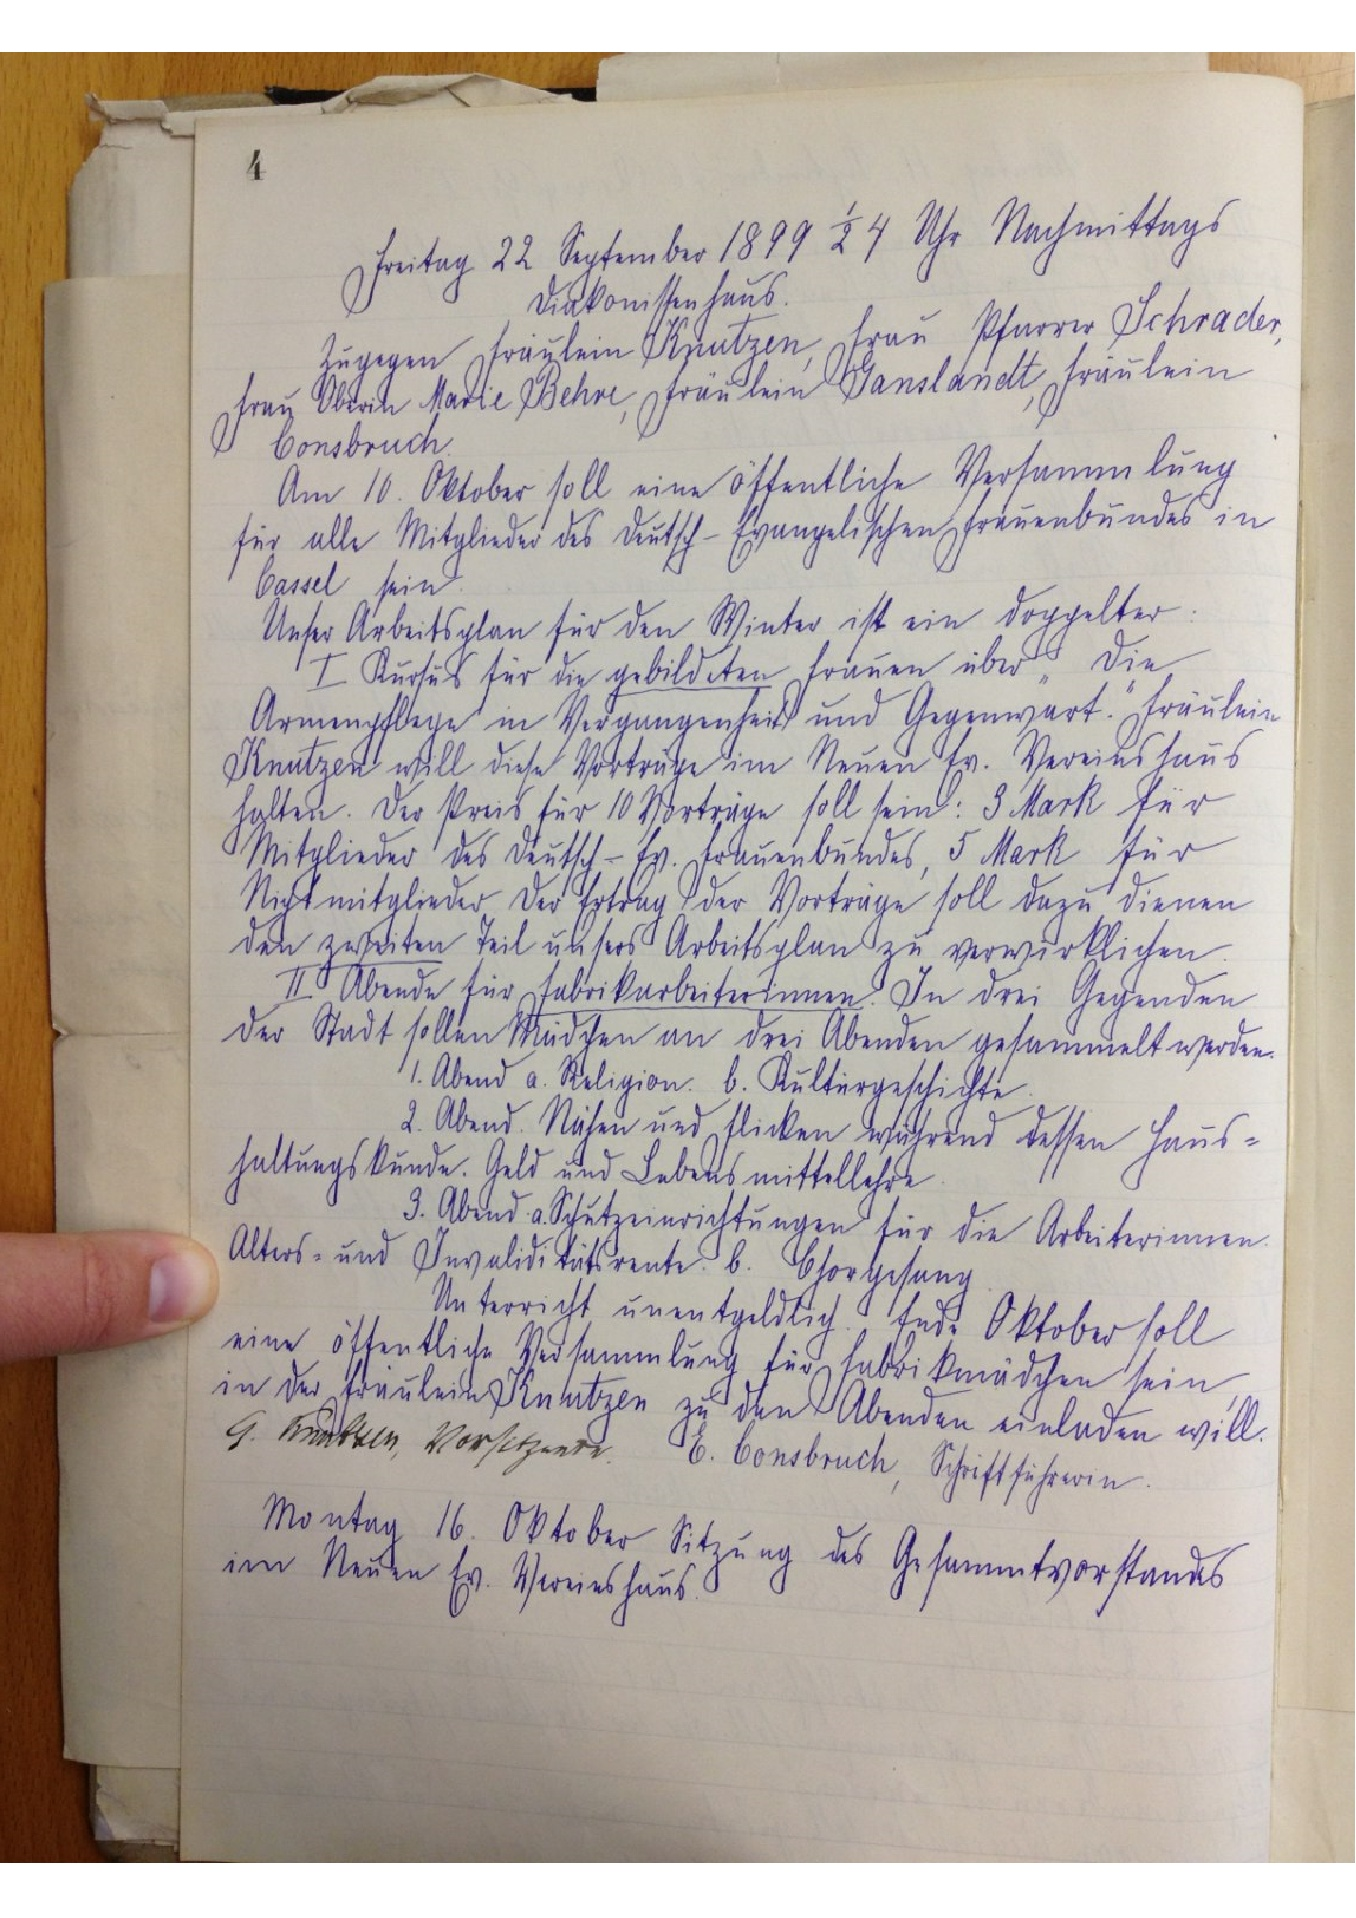Freitag 22. September ¼ 4 Uhr Nachmittags
Diakonissenhaus
Zugegen: Fäulein Knutzen, Frau Pfarrer Schrader,
Frau Oberin Marie Behre, Fräulein Ganslandt, Fräulein
Consbruck
Am 10 Oktober soll eine öffentliche Versammlung für
alle Mitglieder des Deutsch-Evangelischen Frauenbundes in
Cassel sein.
Unser Arbeitsplan für den Winter ist ein doppelter.
I Kursus für die gebildeten Frauen über „Die
Armenpflege in Vergangenheit und Gegenwart". Fräulein
Knutzen will diese Vorträge im neuen Ev. Vereinshaus
halten. Der Preis für 10 Vorträge soll sein: 3 Mark für
Mitglieder des Deutsch-Ev. Frauenbundes, 5 Mark für
Nichtmitglieder. Der Ertrag der Vorträge soll dazu dienen
den zweiten Teil unseres Arbeitsplans zu verwirklichen.
II Abende für Fabrikarbeiterinnen. In den Gegenden
der Stadt sollen Mädchen an drei Abenden gesammelt werden
1. Abend a) Religion b) Kulturgeschichte
2. Abend Nähen und Flicken während dessen Haus
haltungskunde, Geld und Lebensmittelehre
3. Abend a) Schutzeinrichtungen für die Arbeiterinnen
Alters- und Invalidenrente b) Erforschung
Unterricht unentgeldlich für Oktober soll
eine öffentliche Versammlung für Fabrikarbeiterinnen sein
in der Fräulein Knutzen zu den Abenden einladen will
G. Knutzen, Vorsitzende E. Consbruck, Schriftführerin
Montag 16. Oktober Sitzung des Gesamtvorstands
im Neuen Ev. Vereinshaus